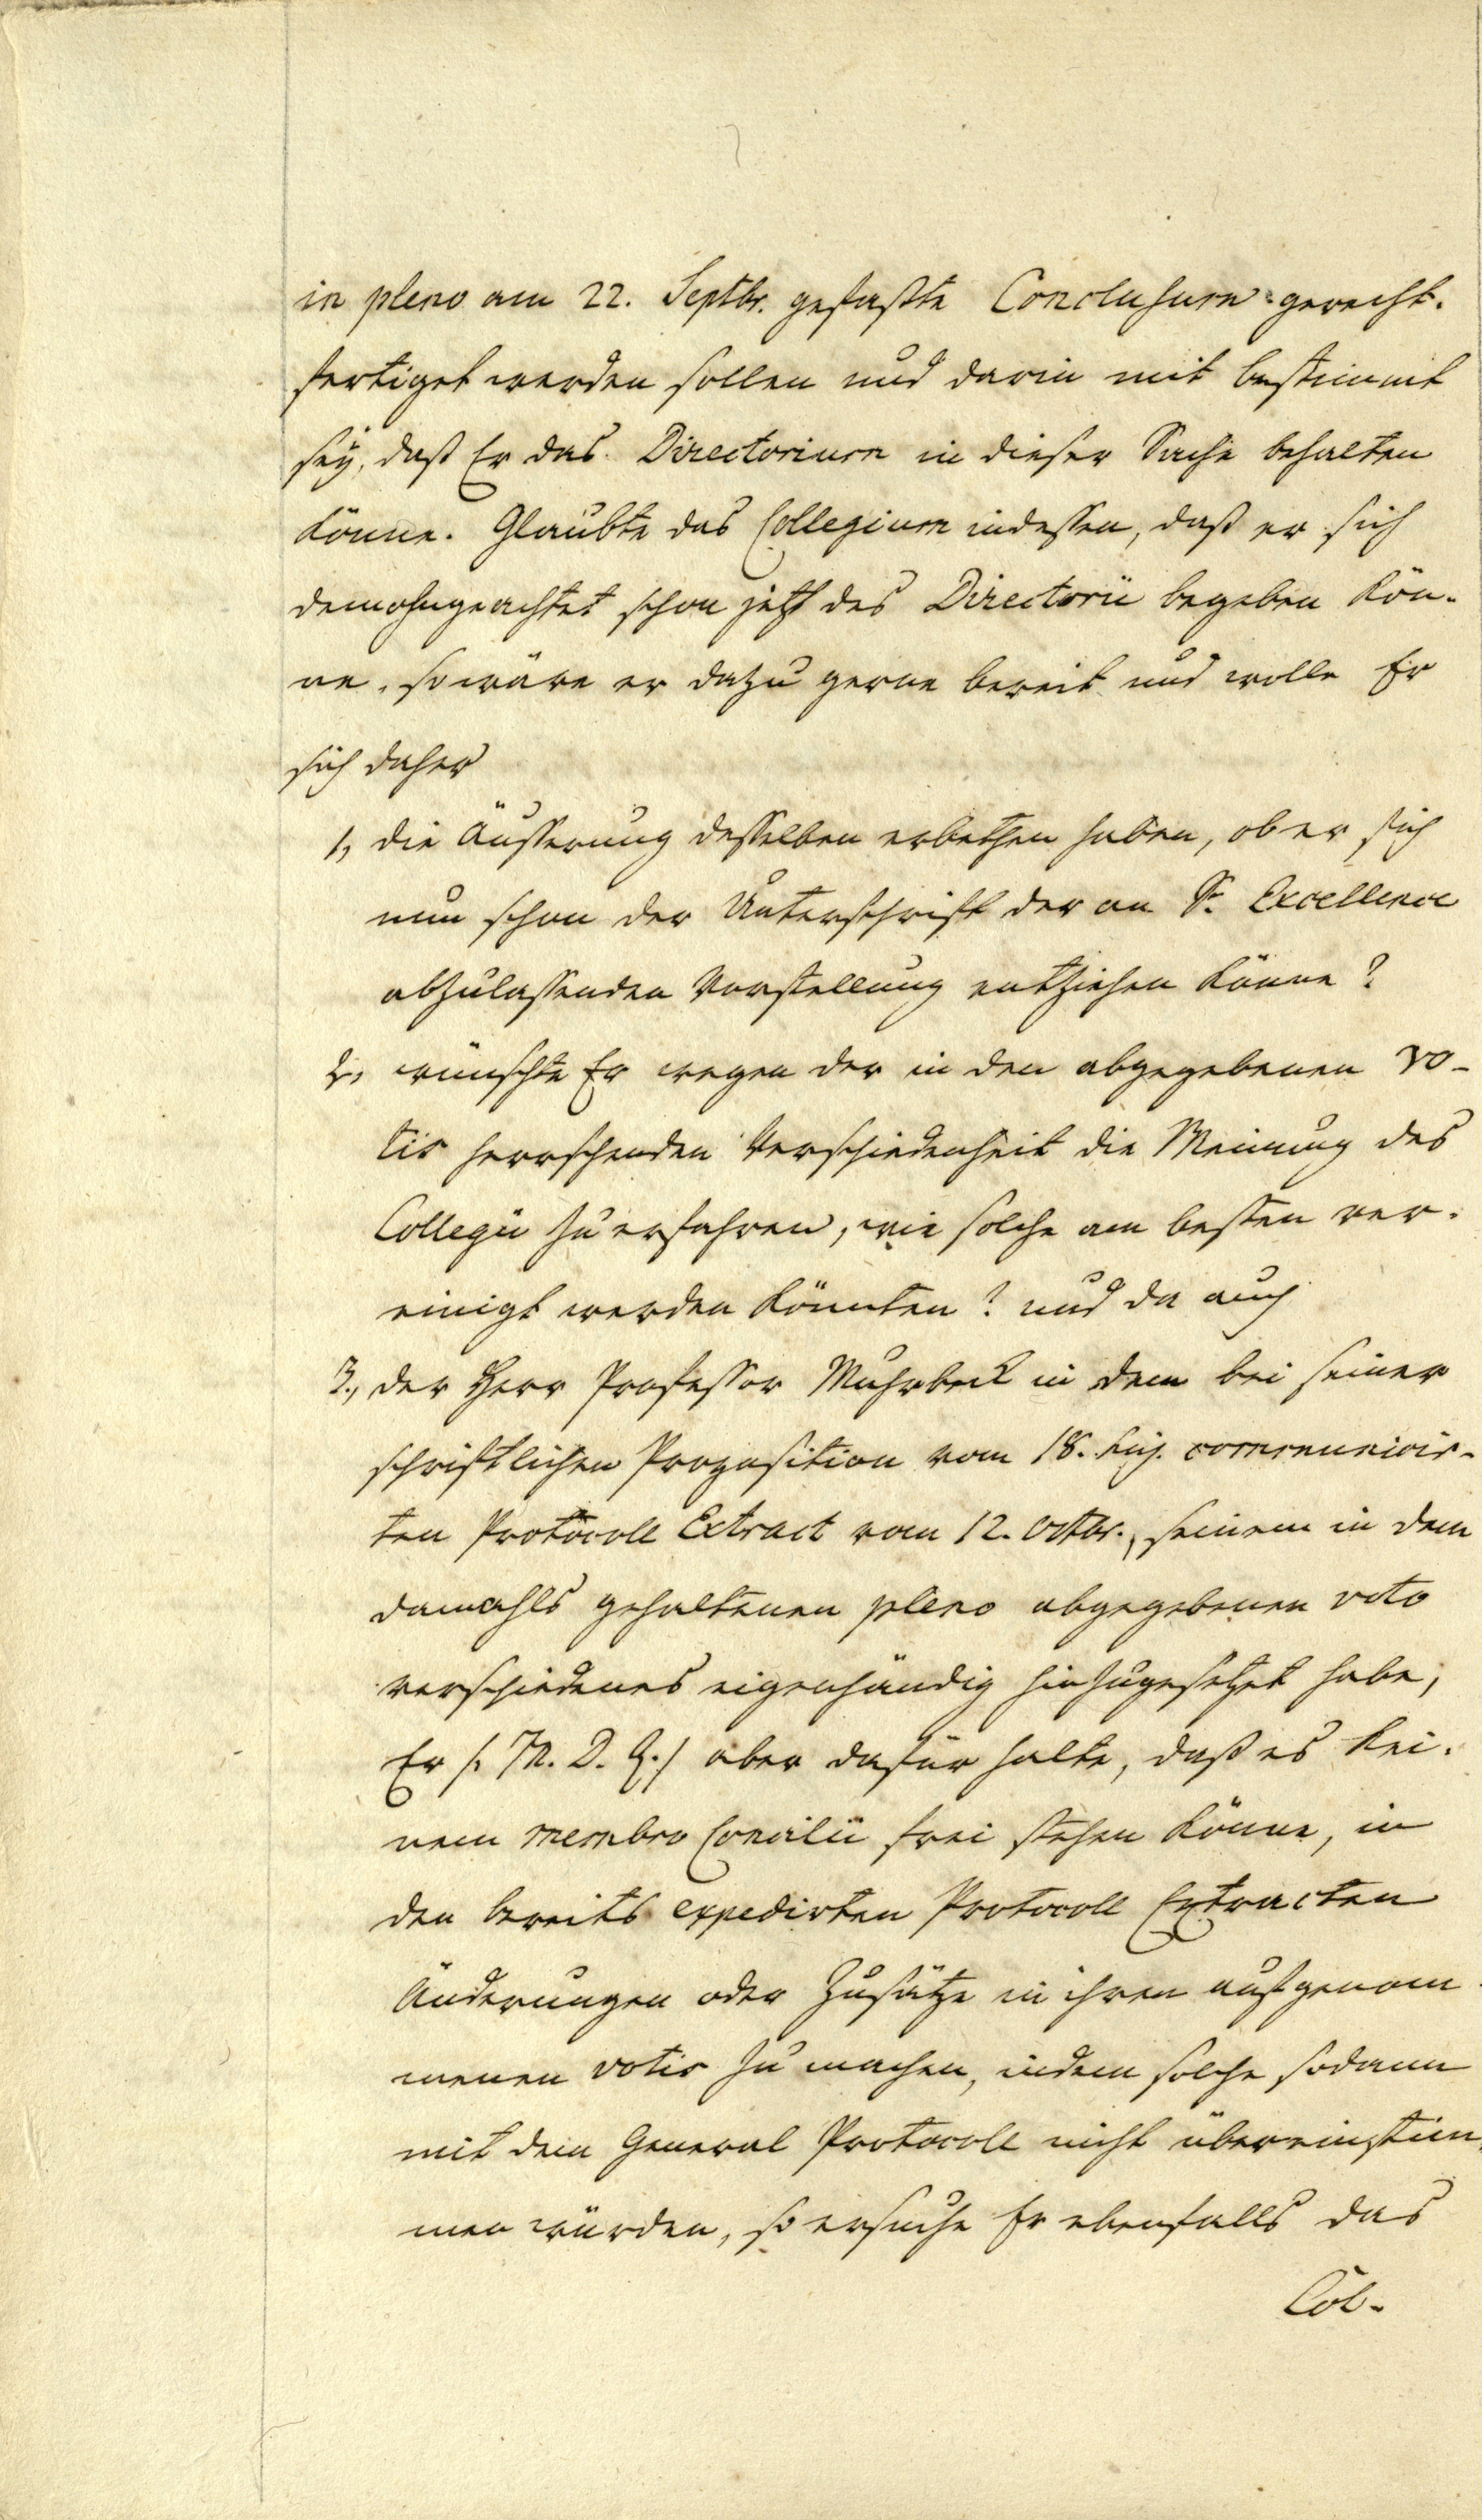in pleno am 22. Septbr. gefaßte Conclusum gerecht¬
fertiget werden sollen und darin mit bestimmt
seÿ, daß Er das Directorium in dieser Sache behalten
könne. Glaubte das Collegium indessen, daß er sich
demohngeachtet schon jetzt des Directorii begeben kön¬
ne, so wäre er dazu gerne bereit und wolle Er
sich daher
1, die Äusserung desselben erbethen haben, ob er sich
nun schon der Unterschrift der an Sr. Excellence
abzulassenden Vorstellung entziehen könne?
2, wünschte Er wegen der in den abgegebenen vo¬
tis herrschenden Verschiedenheit die Meinung des
Collegii zu erfahren, wie solche am besten ver¬
einigt werden könnten? und da auch
3., der Herr Professor Muhrbeck in dem bei seiner
schriftlichen Proposition vom 18. huj. communicir¬
ten Protocoll Extract vom 12 Octbr., seinem in dem
damahls gehaltenen pleno abgegebenen voto
verschiedenes eigenhändig hinzugesetzet habe,
Er /: M. D. R./ aber dafür halte, daß es kei¬
nem membro Concilii frei stehen könne, in
den bereits expedirten Protocoll Extracten
Änderungen oder Zusätze in ihren auf genom¬
menen votis zu machen, indem solche sodann
mit dem General Protocoll nicht übereinstim¬
men würden, so ersuche Er ebenfalls das
Col.